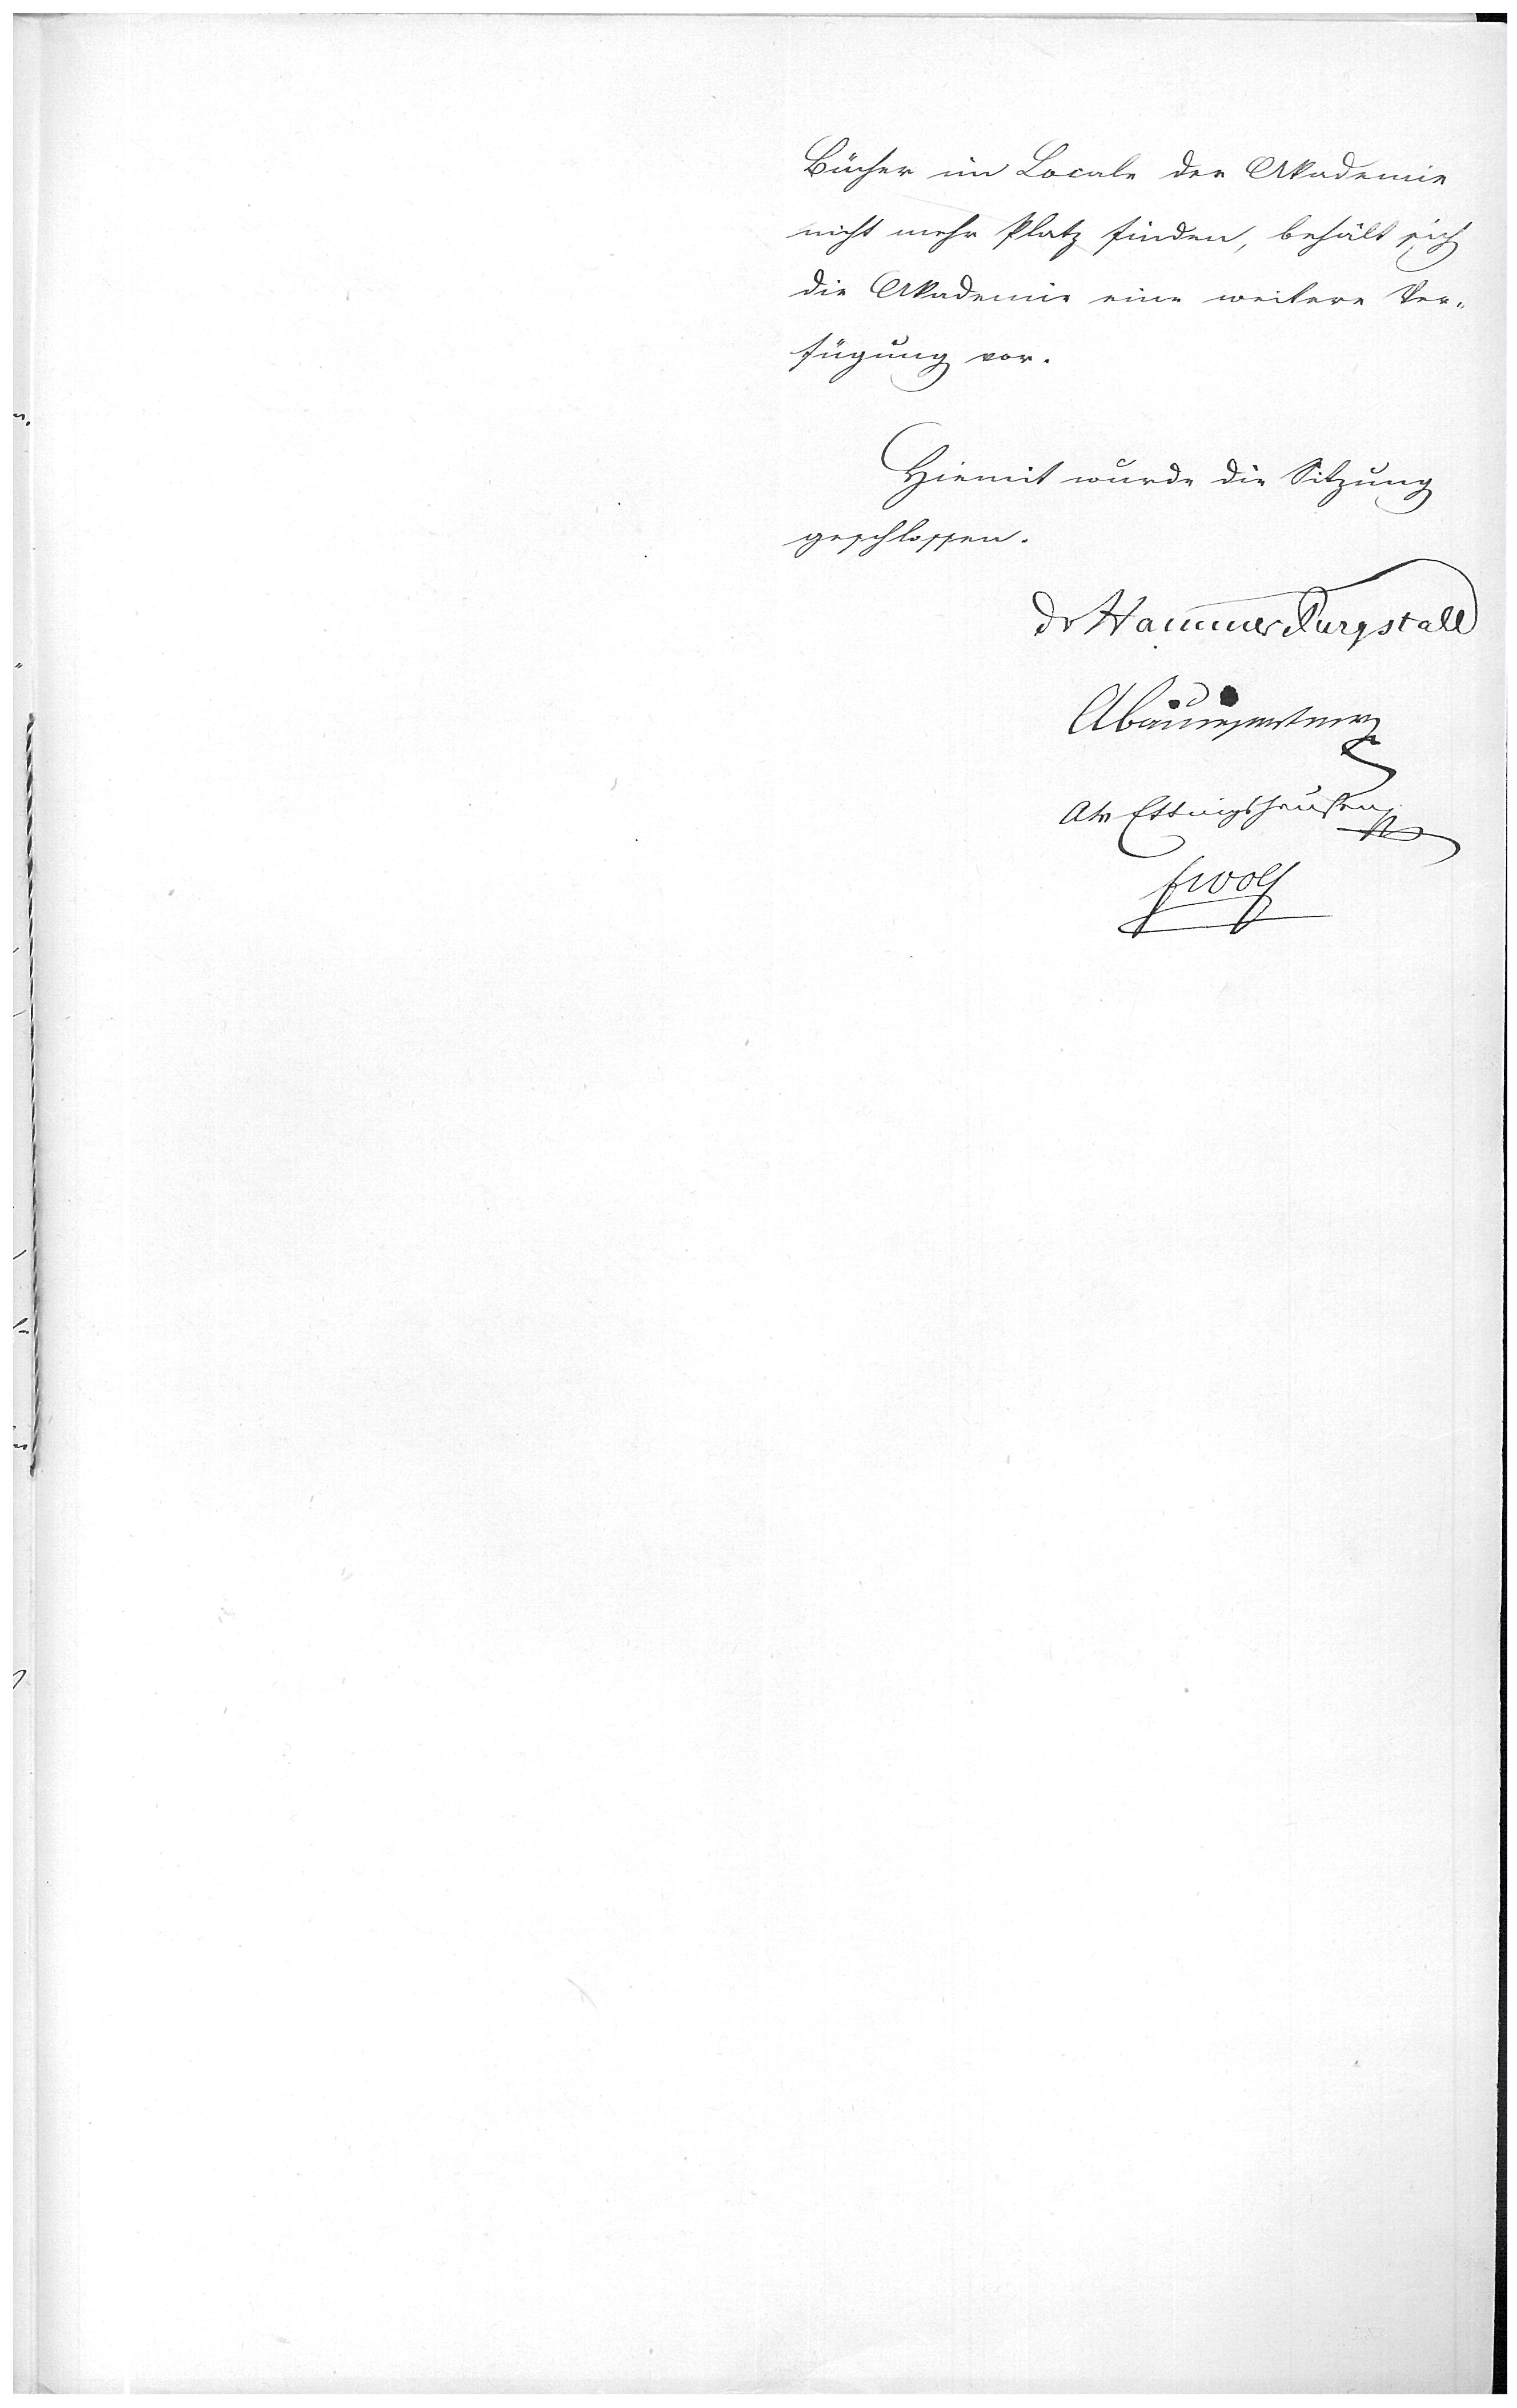Bücher im Locale der Akademie
nicht mehr Platz finden, behält sich
die Akademie eine weitere Ver-
fügung vor.
Hiemit wurde die Sitzung
geschlossen.
DrHammerPurgstall
ABaumgartner
Av Ettingshausen
FWolf